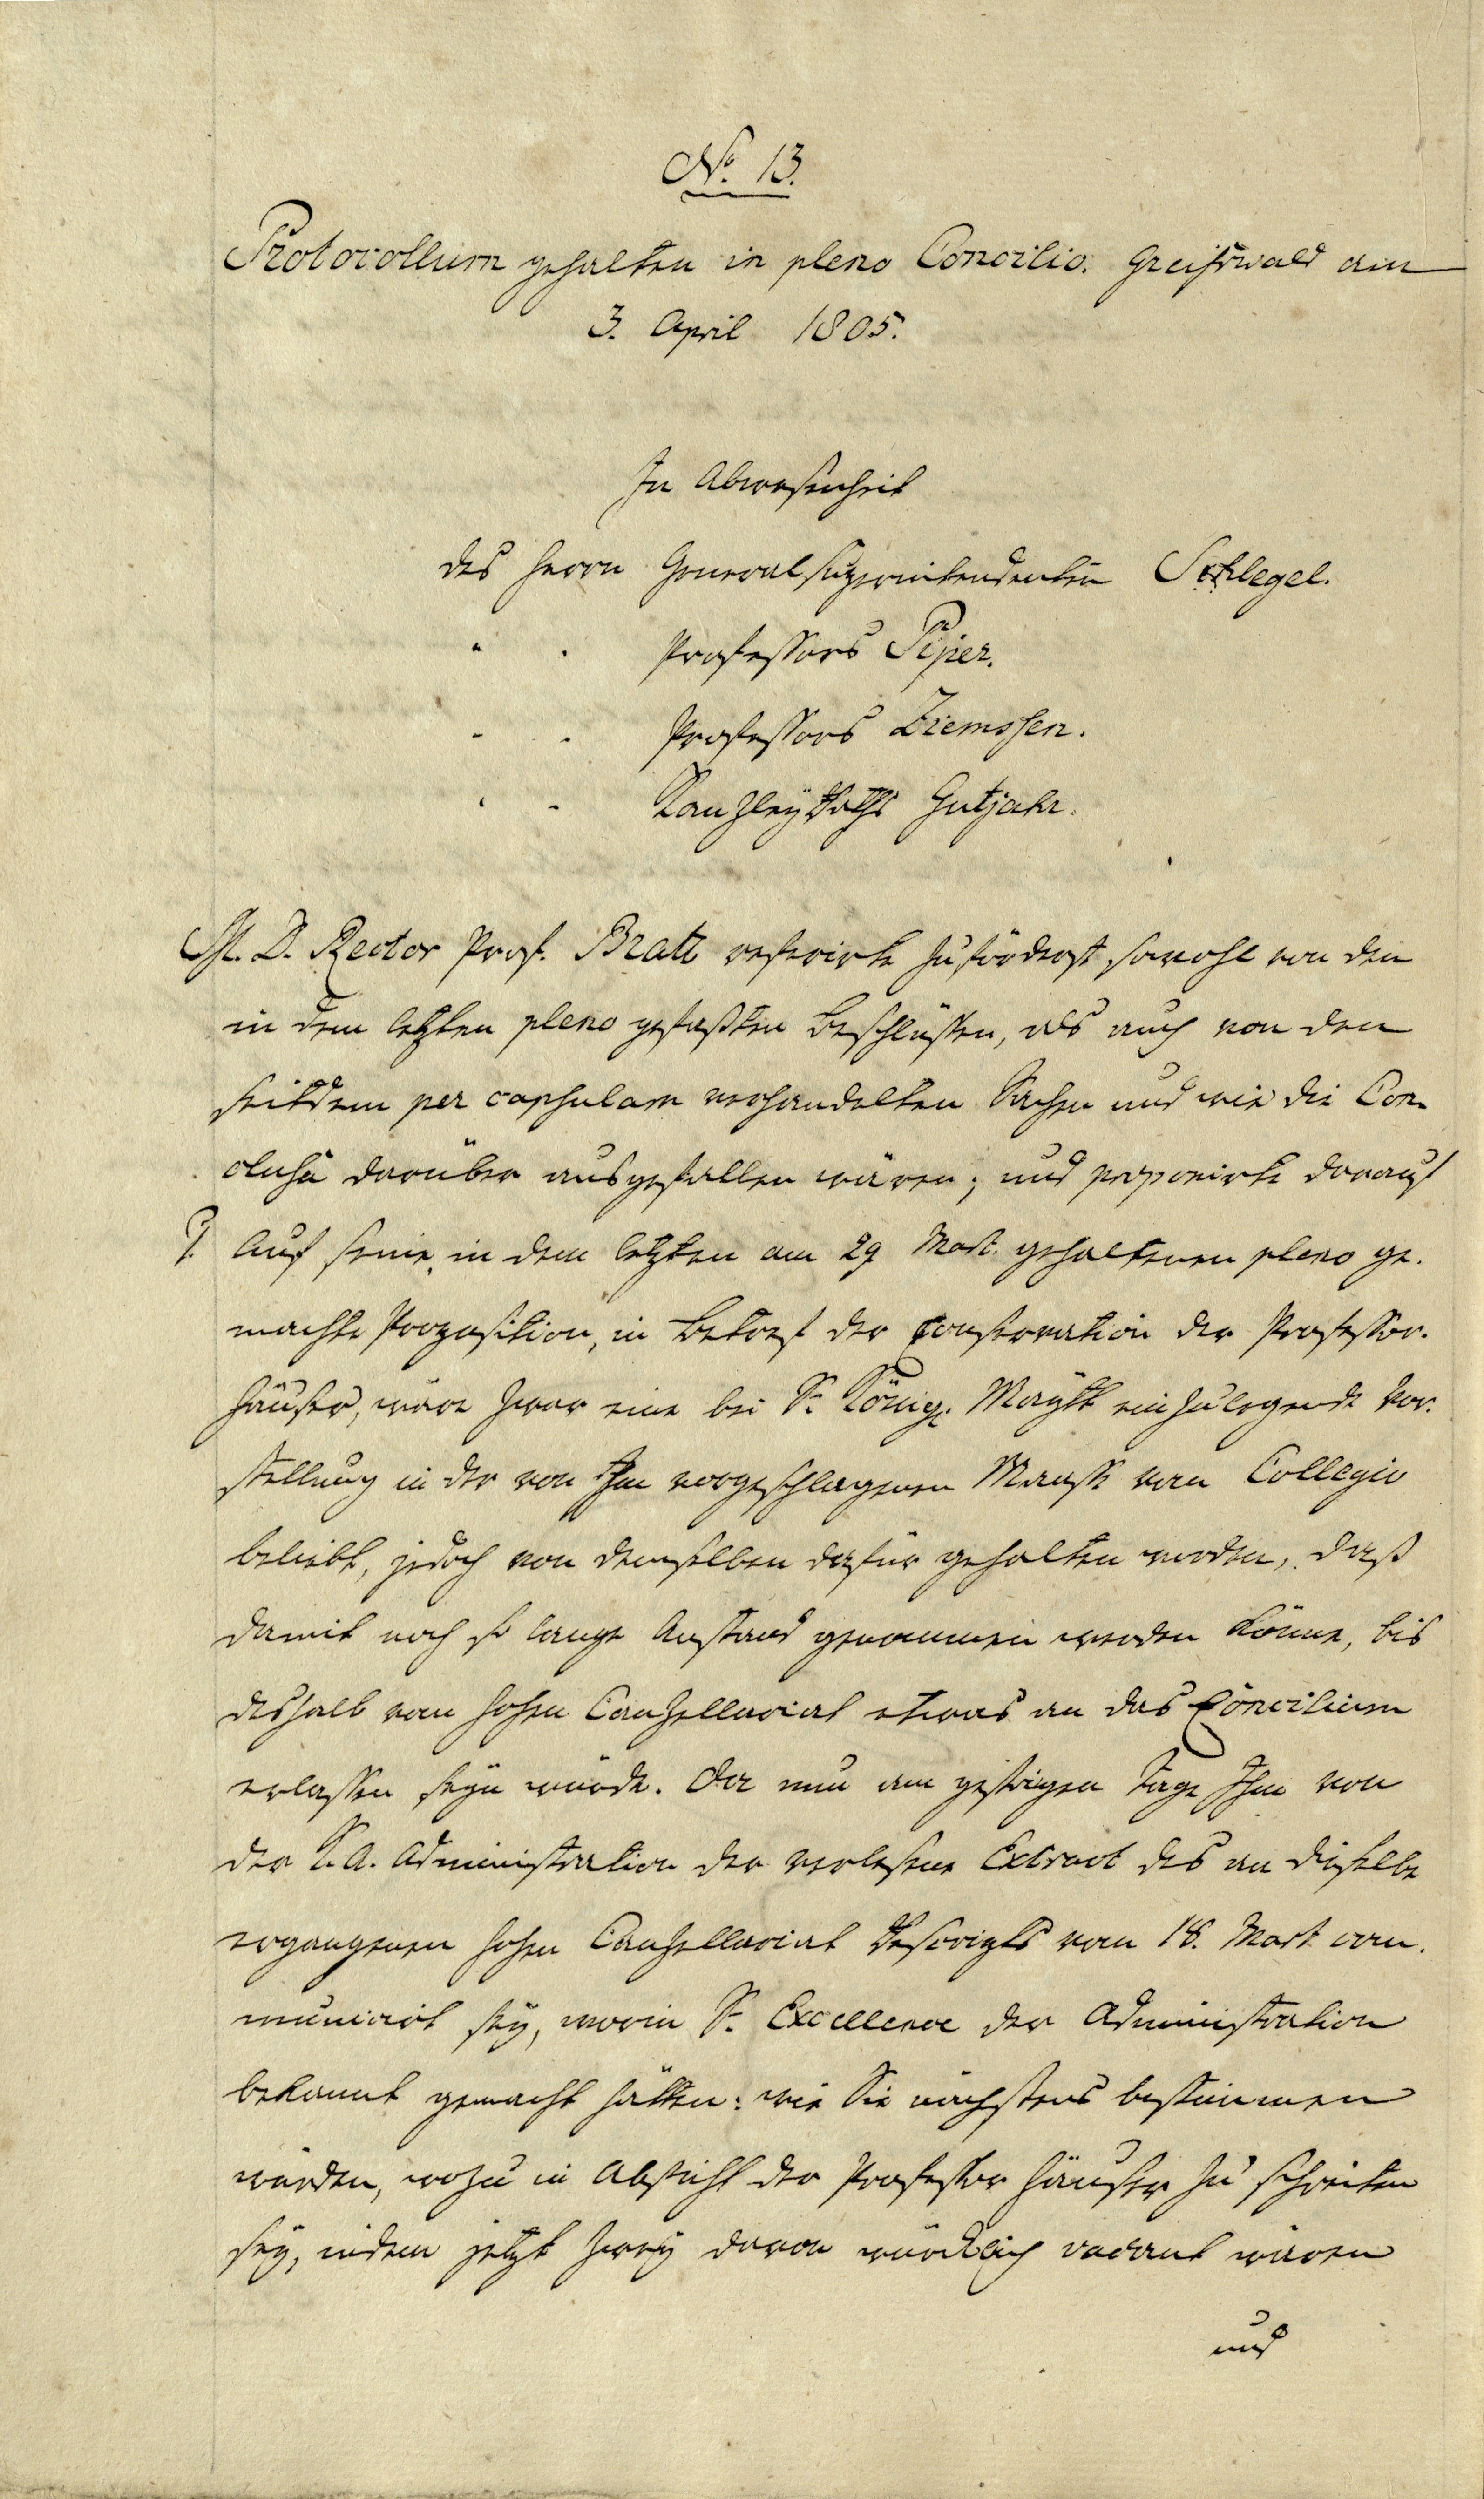No 13.
Protocollum gehalten in pleno Concilio. Greifswald am
3. April 1805.
In Abwesenheit
des Herrn Generalsuperintendenten Schlegel.
Professors Piper.
Professors Ziemssen.
Kanzleÿ Raths Gutjahr.
M. D. Rector Prof. Bratt referirte zuförderst sowohl von den
in dem letzten pleno gefaßten Beschlüssen, als auch von den
seitdem per capsulam verhandelten Sachen und wie die Con¬
clusa darüber ausgefallen wären; und proponirte darauf
1. Auf seine, in dem letzten am 29 Mart gehaltenen pleno ge¬
machte Proposition, in Betref der Conservation der Professor¬
häuser, wäre zwar eine bei Sr. König. Maÿtt einzulegende Vor¬
stellung in der von Ihm vorgeschlagenen Maasse vom Collegio
beliebt, jedoch von demselben dafür gehalten worden, daß
damit noch so lange Anstand genommen werden könne, bis
deshalb vom hohen Canzellariat etwas an das Concilium
erlassen seÿn würde. Da nun am gestrigen Tage Ihm von
der K. A. Administration der verlesene Extract des an dieselbe
ergangenen hohen Canzellariat Rescripts vom 18. Mart com¬
municirt seÿ, worin Sr. Excellence der Administration
bekannt gemacht hätten: wie Sie nächstens bestimmen
würden, wozu in Absicht der Professor Häuser zu schreiten
seÿ, indem jetzt zweÿ davon würcklich vacant wären
und